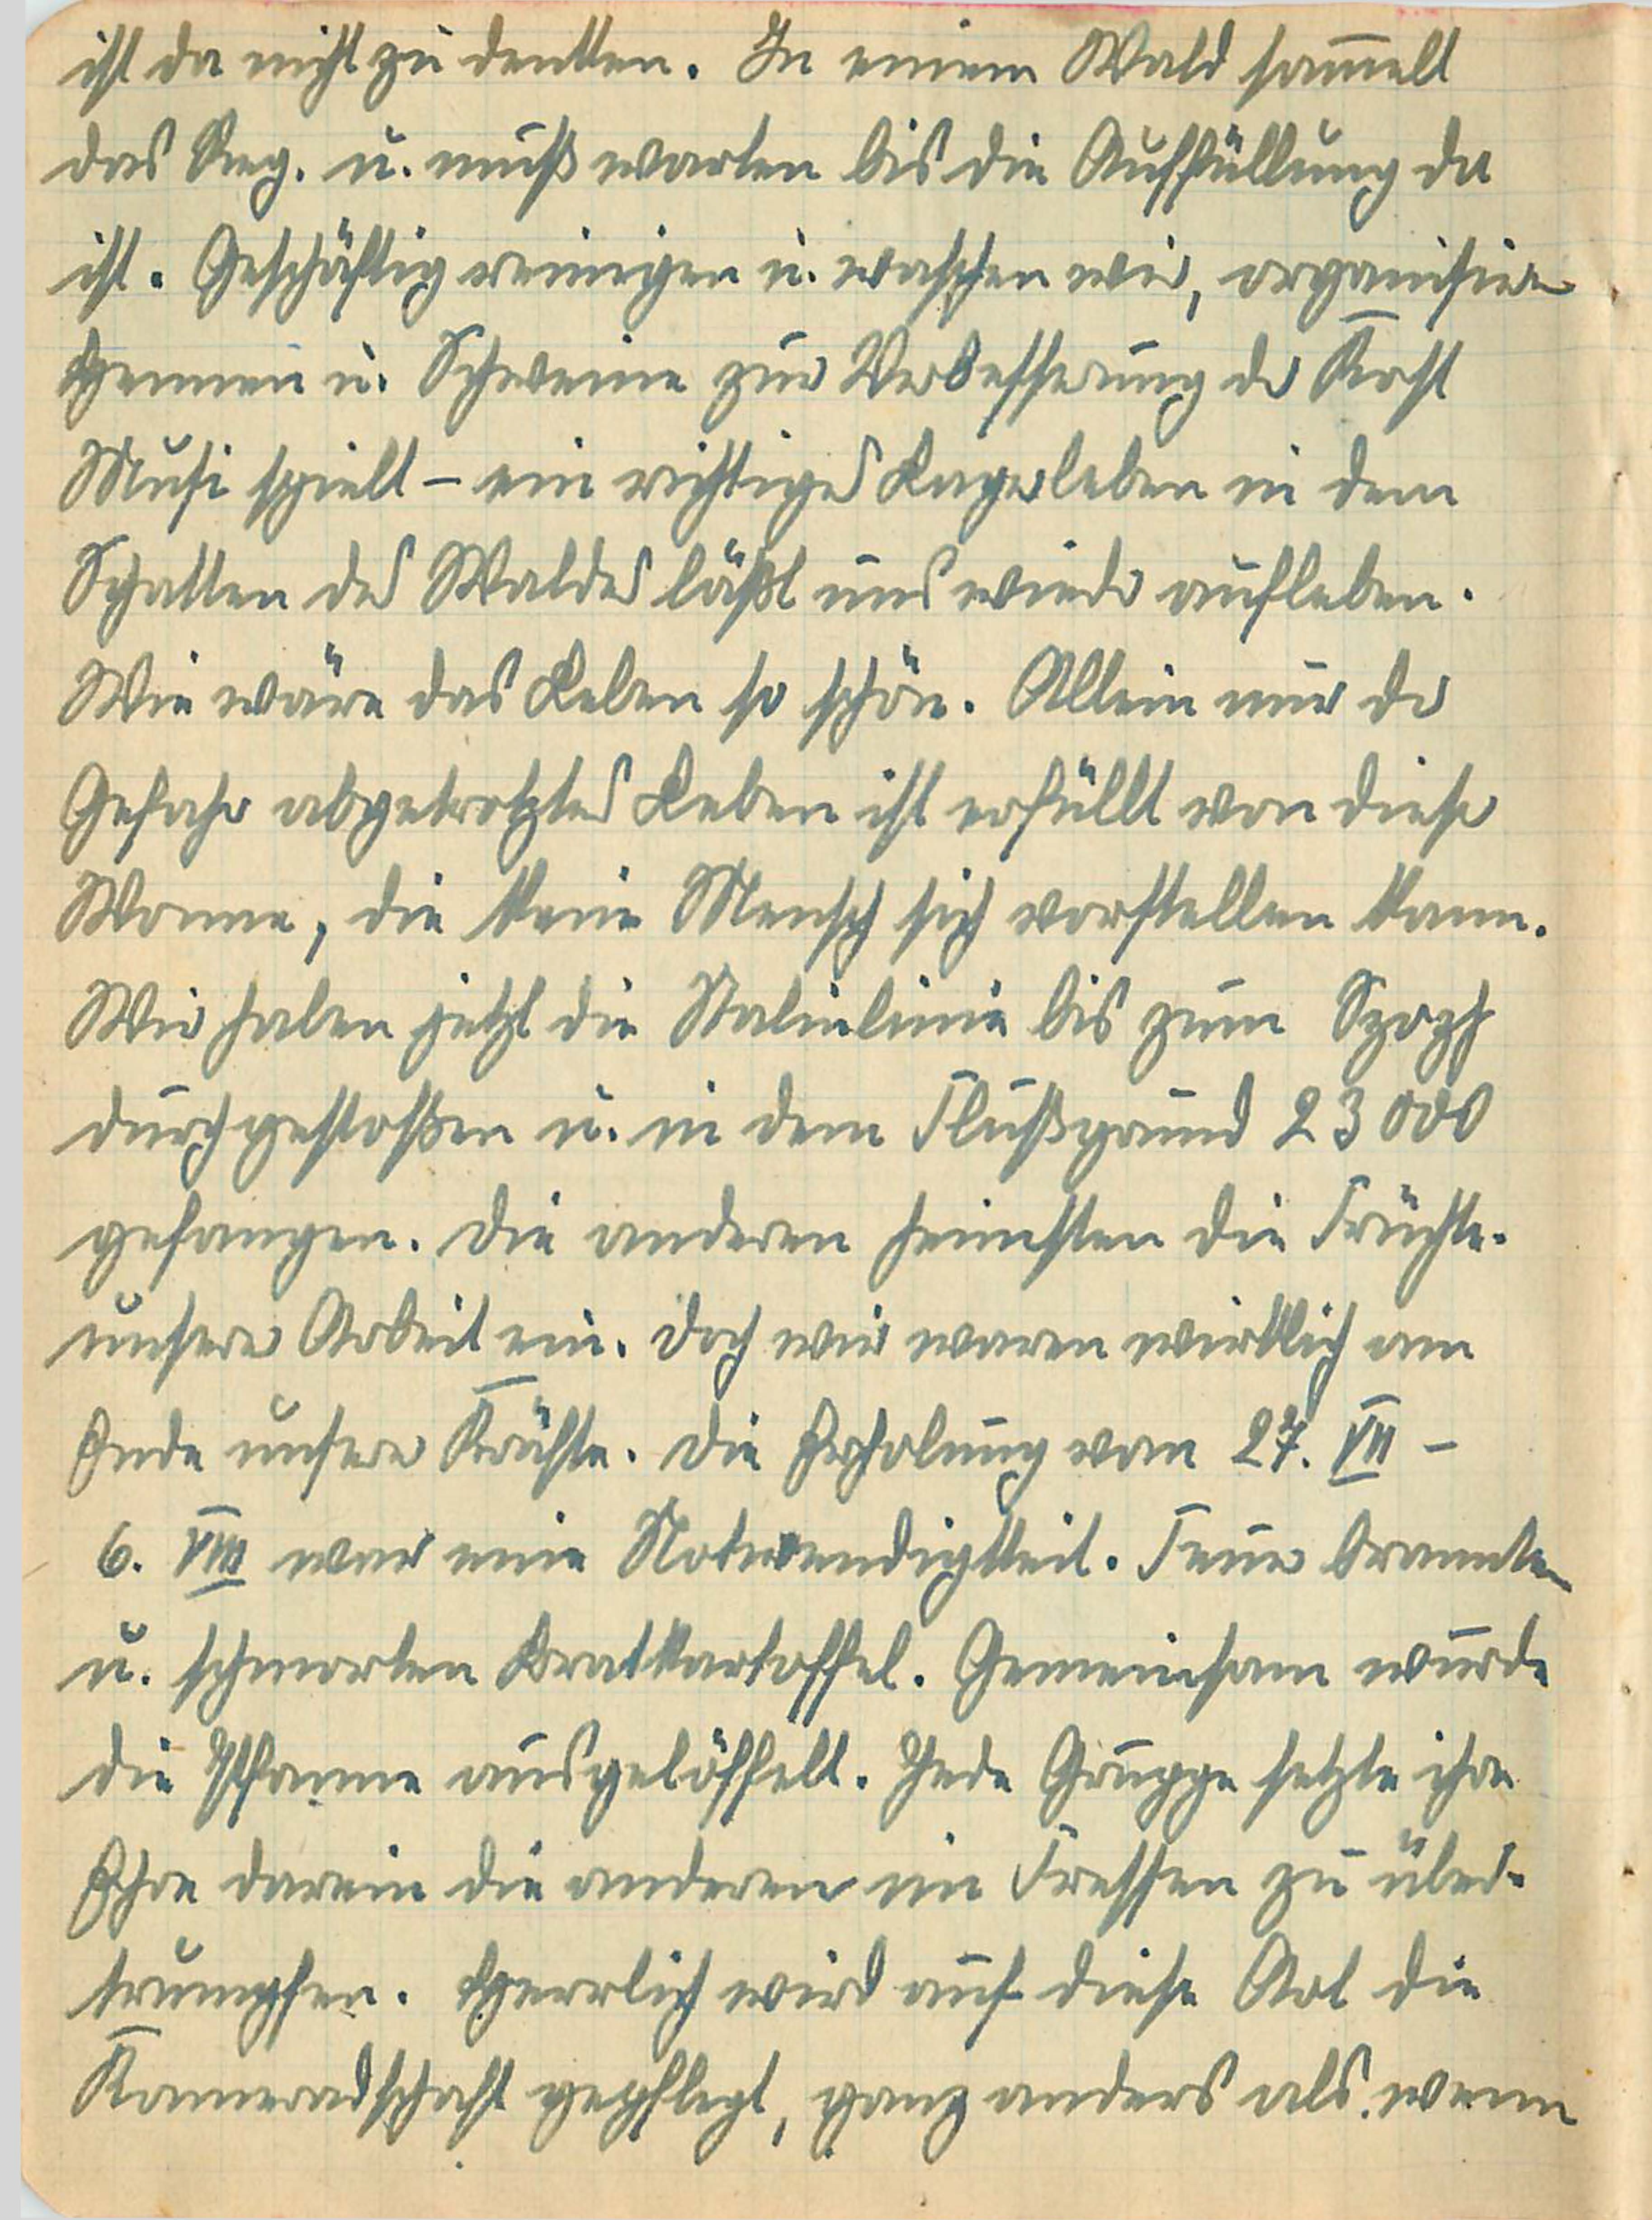ist da nicht zu denken. In einem Wald sammelt
das Reg. u. muß warten bis die Auffüllung da
ist. Geschäftig reinigen u. waschen wir, organisieren
Hennen u. Schweine zur Verbesserung der Kost
Musi spielt – ein richtiges Lagerleben in dem
Schatten des Waldes läßt uns wieder aufleben.
Wie wäre das Leben so schön. Allein nur der
Gefahr abgetrotztes Leben ist erfüllt von dieser
Wonne, die kein Mensch sich vorstellen kann.
Wir haben jetzt die Stalinlinie bis zum Szozh
durchgestoßen u. in dem Flußgrund 23 000
gefangen. Die anderen heimsten die Früchte
unserer Arbeit ein. Doch wir waren wirklich am
Ende unserer Kräfte. Die Erholung vom 27. VII –
6. VIII war eine Notwendigkeit. Feuer brannten
u. schmorten Bratkartoffel. Gemeinsam wurde
die Pfanne ausgelöffelt. Jede Gruppe setzte ihre
Ehre darein die anderen im Fressen zu über-
trumpfen. Herrlich wird auf diese Art die
Kameradschaft gepflegt, ganz anders als. wenn